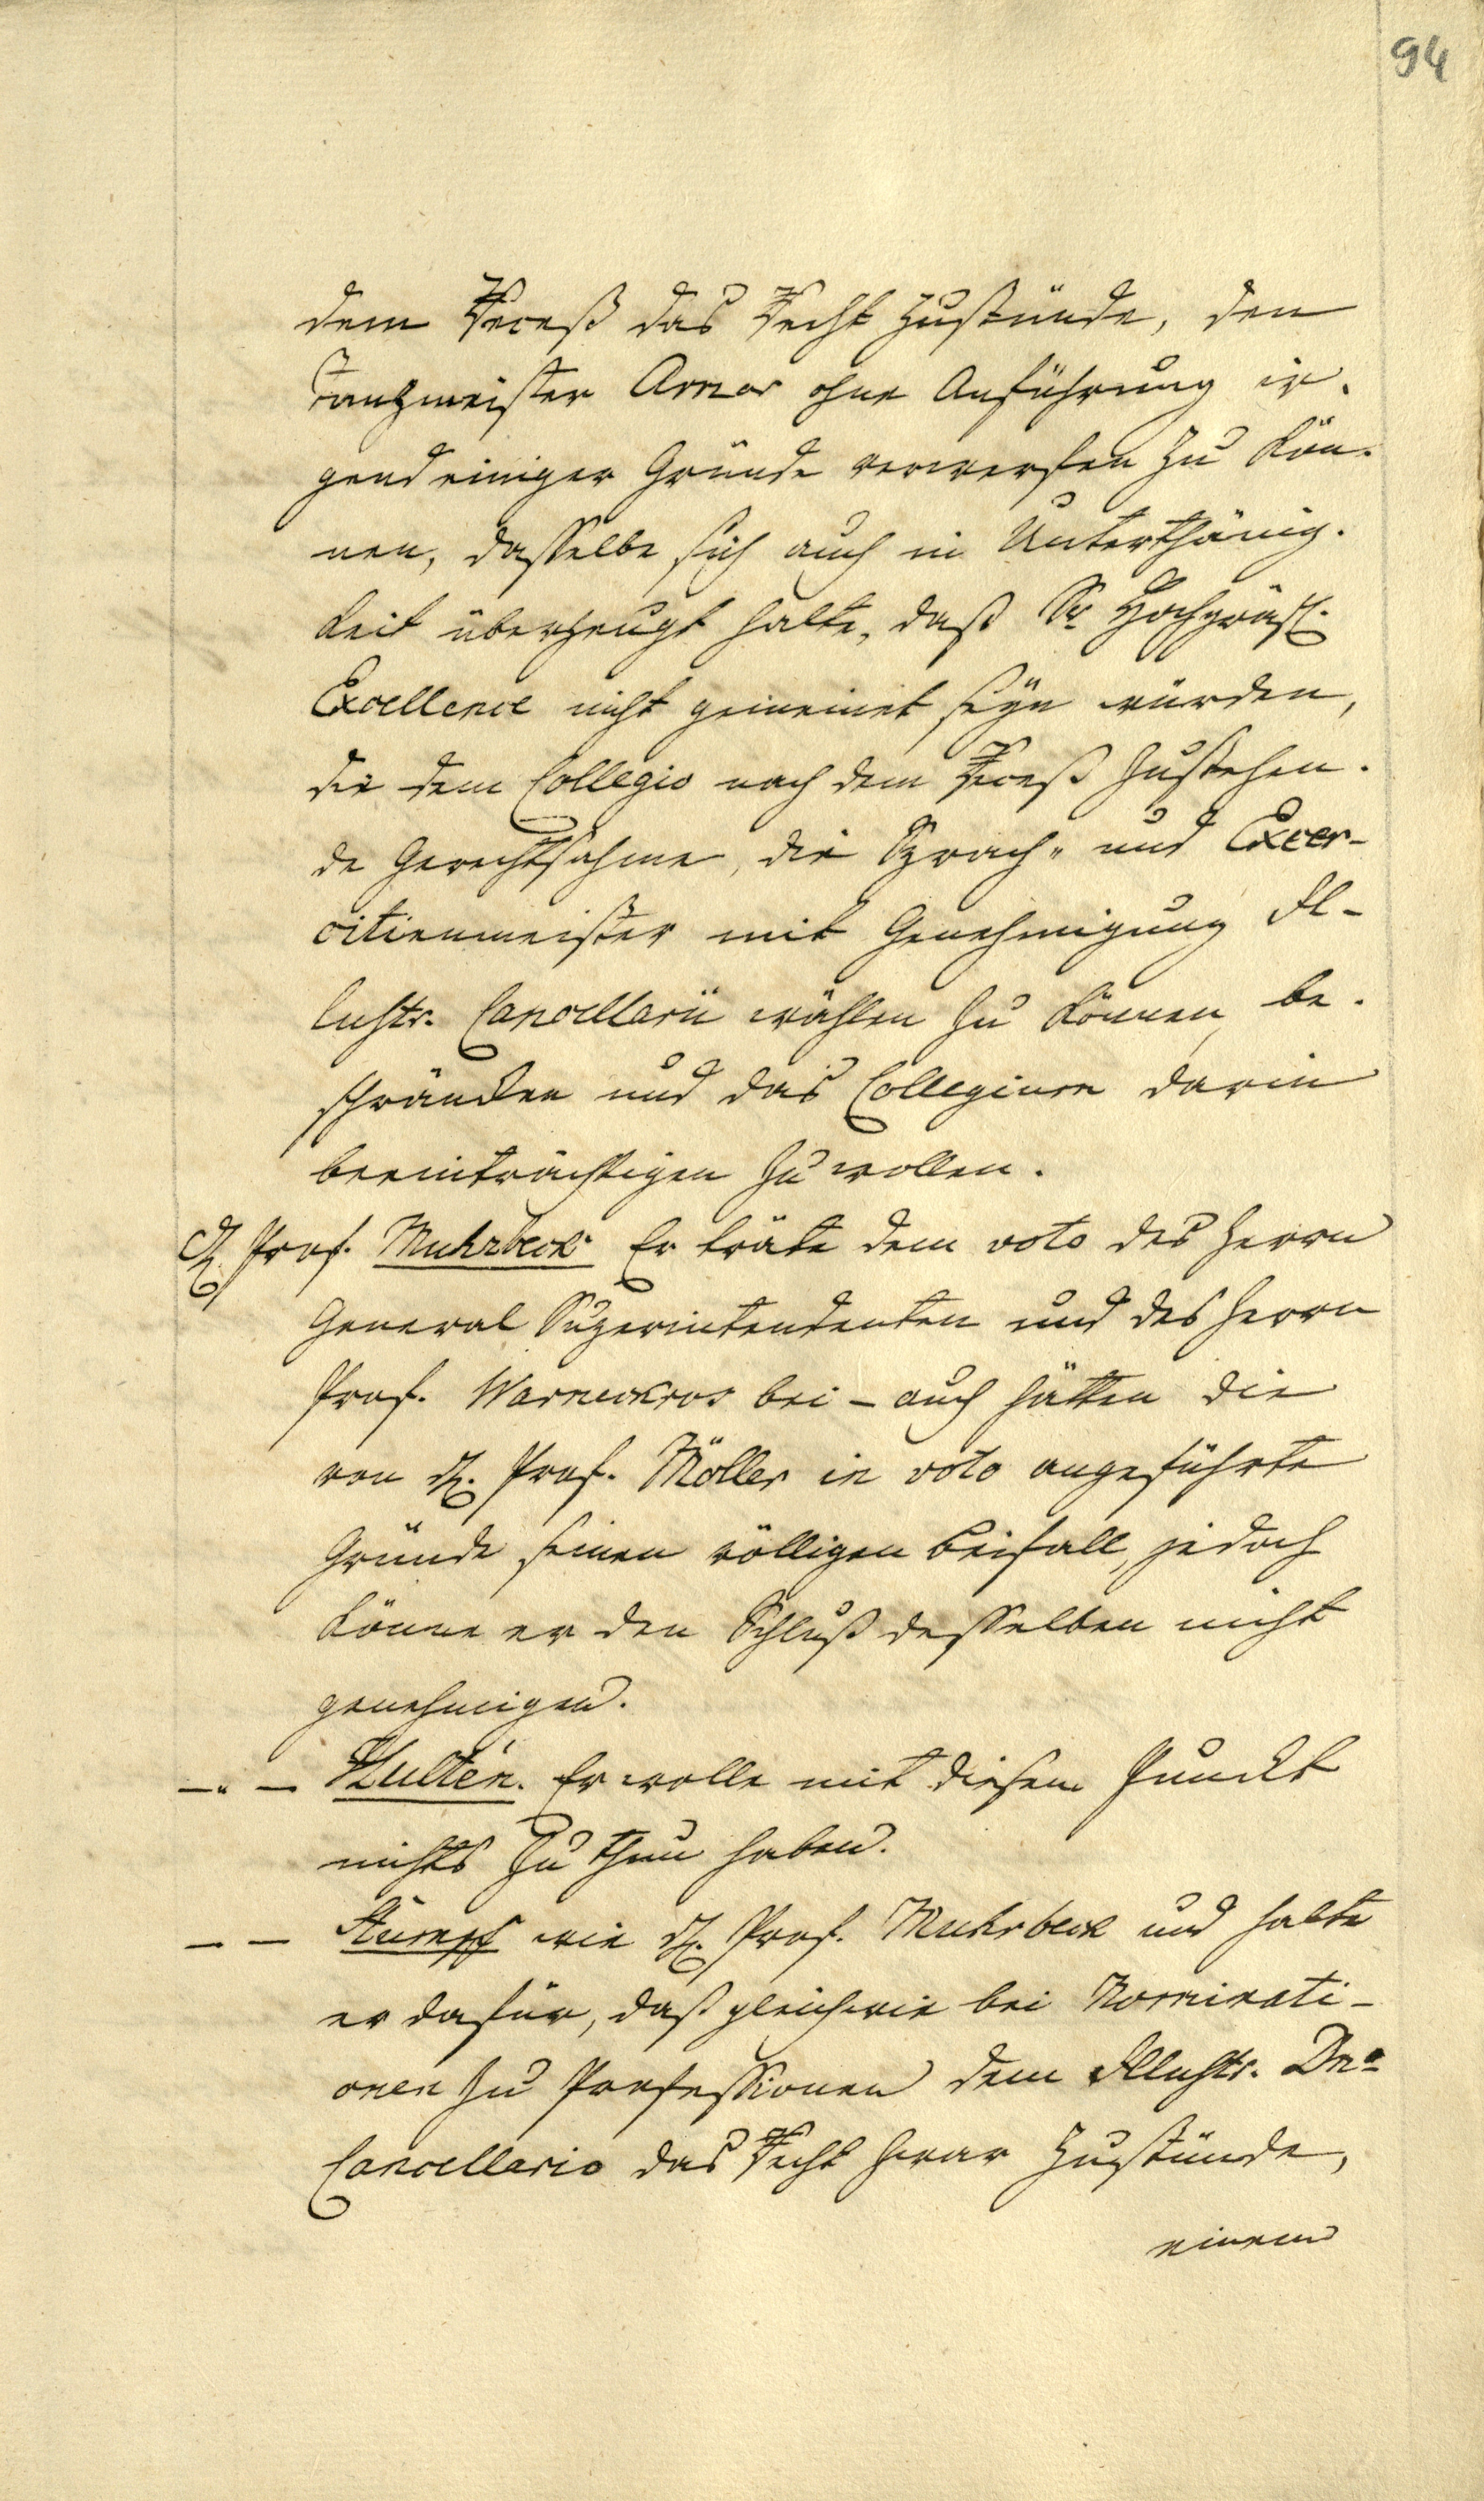dem Receß das Recht zustünde, den
Tanzmeister Amor ohne Anführung ir¬
gend einiger Gründe verwerfen zu kön¬
nen, dasselbe sich auch in Unterthänig¬
keit überzeugt halte, daß Sr Hochgräfl.
Excellence nicht gemeinet seÿn würden,
die dem Collegio nach dem Receß zustehen¬
de Gerechtsahme die Sprach- und Excer¬
citienmeister mit Genehmigung ll¬
lust. Cancellarii wählen zu können be¬
schräncken und das Collegium darin
beeinträchtigen zu wollen.
dh. Prof. Muhrbeck. Er träte dem voto des Herrn
General Superintendenten und des Herrn
Prof. Warneckros bei - auch hätten die
von dh. Prof. Möller in voto angeführte
Gründe seinen völligen Beifall, jedoch
könne er den Schluß desselben nicht
genehmigen.
Hultén. Er wolle mit diesem Punckt
nichts zu thun haben.
Stumpf wie dh. Prof. Muhrbeck und halte
er dafür, daß gleichwie bei Nominati¬
onen zu Professionen dem Illustr. Dn.
Cancellario das Recht zwar zustünde,
einen